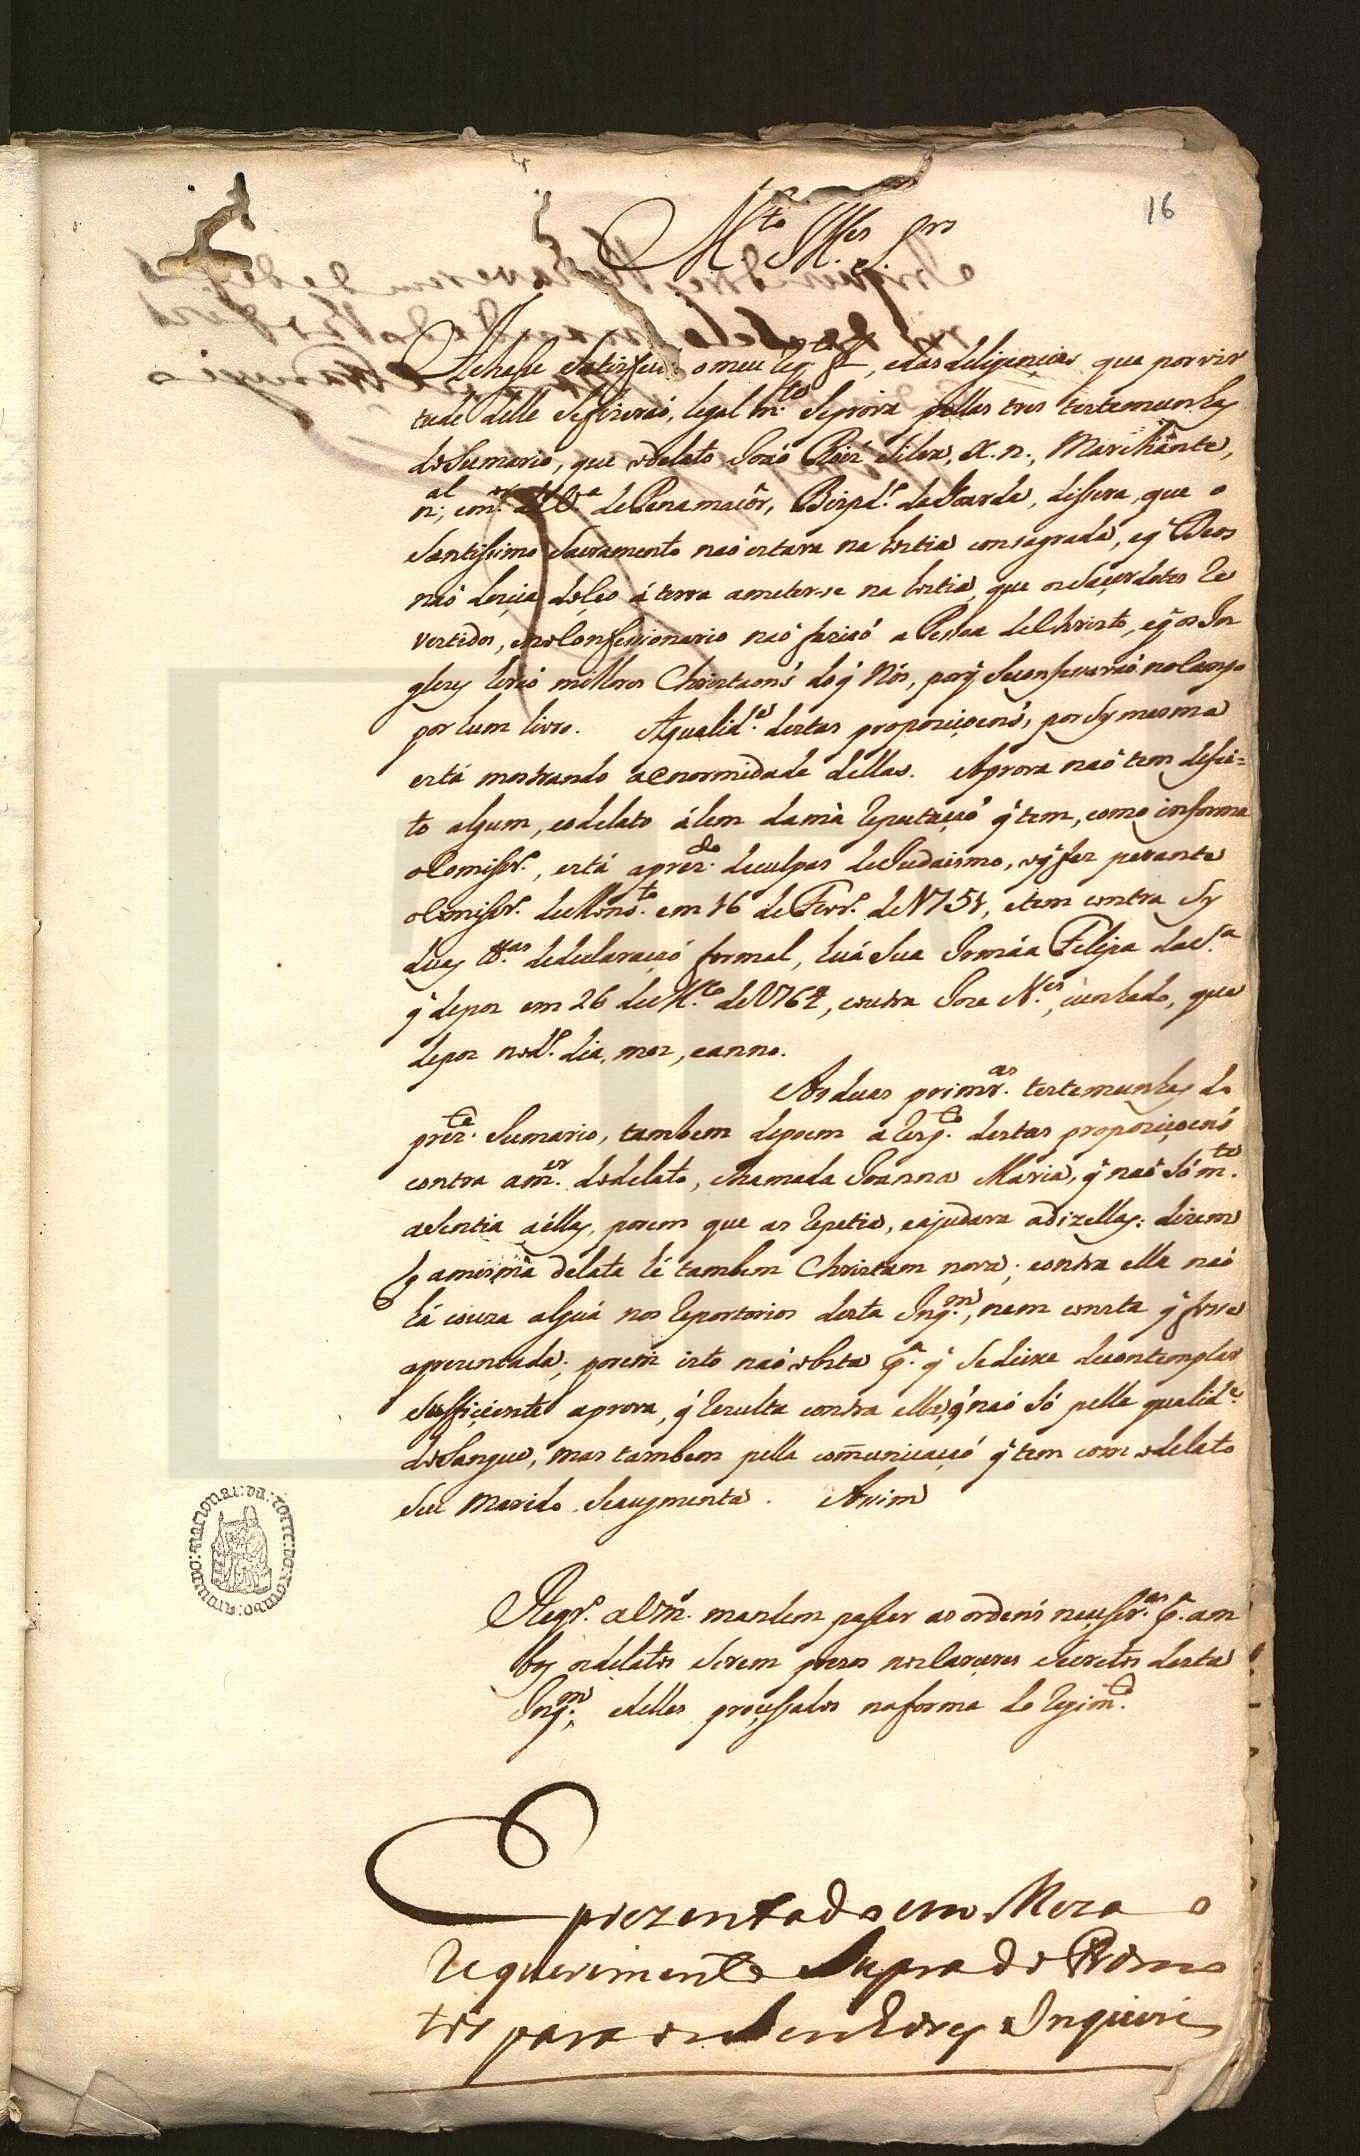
M.to Ill.es S.rs
Achasse satizfei o meu Req.to f , e das diligençias, que por vir
tude delle se fizeraõ, legalm.te se prova pellas tres testemunhas
do Sumario, que o delato Ioão Roiz̄ Silaz, x.n., Marchante,
n.al, e m.or da V.a de Panamacôr, Bispd.o da Goarda, dissera, que o
Santissimo Sacramento naõ estava na hostia consagrada, e q̄ Deos
naõ desçia do Çeo á terra a meter-se na hostia, que os Saçerdotes Re
veztidos, e no Confessionario naõ faziaõ a Pessoa de Christo, e q̄ os In
glezes heraõ milhores Christaons̄ do q̄ nós, porq̄ se confessavaõ no Campo
por hum livro. A qualid.e destas propoziçoens̄, por sy mesma
está mostrando a enormidade dellas. A prova naõ tem defei
to algum, e o delato álem da mà Reputaçaõ q̄ tem, como informa
o Comissr.o, eztá aprez.to de culpas de Iudaismo, o q̄ fez perante
o Comissr.o de Mons.to em 16 de Fevr.o de 1751, e tem contra sy
duas tt.as de declaraçaõ formal, huā sua Irmāa Filipa da S.a
q̄ depoz em 26 de M.co de 1764, e outra Ioze N.es, cunhado, que
depoz no d.o dia, mez, e anno.
As duas primr.as testemunhas do
prezte. Sumario, tambem depoem a Resp.to destas propoziçoens̄
contra a m.er do delato, chamada Ioanna Maria, q̄ naõ sóm.te
asentia a ellas, porem que as Repetia, e ajudava a dizellas: dizem
q̄ a mesma delata hé também Christam nova; contra elle naõ
há couza alguã nos Repertorios desta Inq.m, nem consta q̄ fosse
aprezentada; porem isto naõ obsta p.a q̄ se deixe de contemplar
suffiçiente a prova, q̄ Rezulta contra ella, q̄ naõ só pella qualid.e
do Sangue, mas tambem pella com̄unicaçaõ q̄ tem com o delato
seu marido, se augmenta. Assim
Reqr.o a Vm.e mandem passar as ordens̄ naçessr.as p.a am
bos os delatos serem presos nos Carçeres Secretos desta
Inq.m; e dellas proçessados na forma do Regim.to
E prezentado em Meza o
requerimento supra do Promo
tor para os senhores Inquizi
